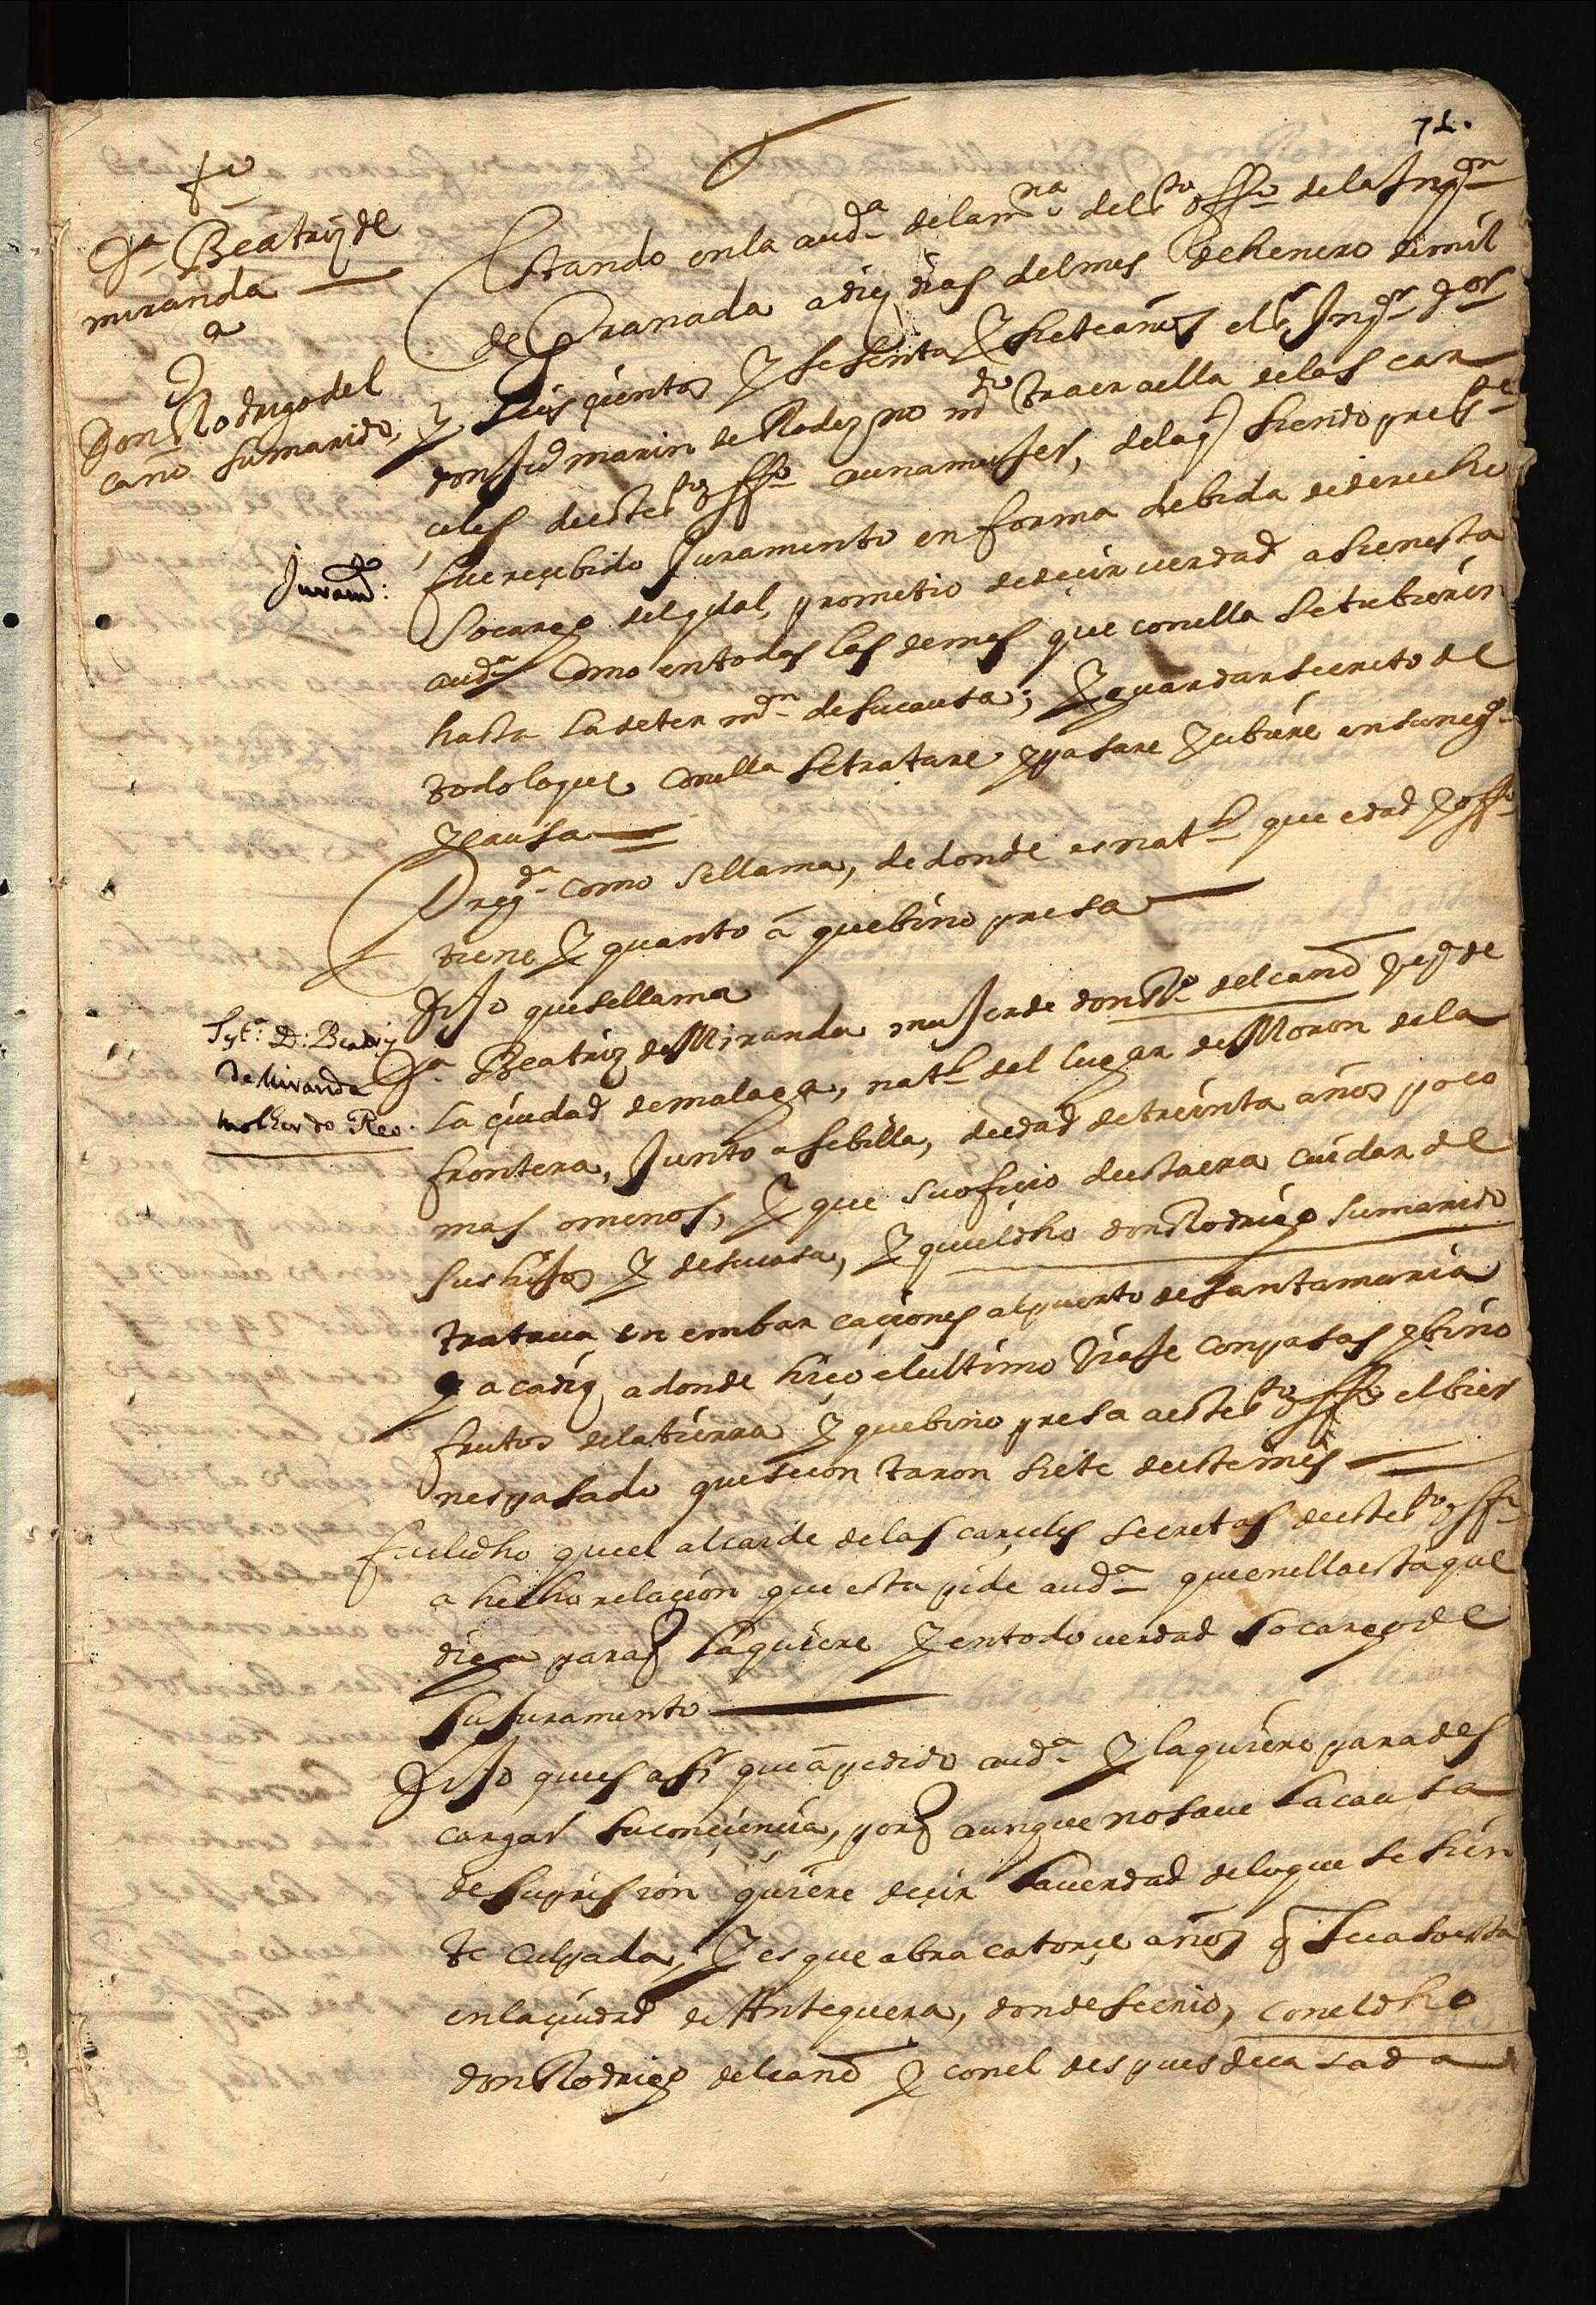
Estando en la aud.a de la mna. del s.to off.o de la Inqon
D.a Breatiz de
miranda
de Granada a diez dias del mes de henero de mil
y seiscientos y sesenta y siete an̄os el sr Jnq.or d.or
9a
don Juo marin de Rodezno mdo traer a ella de las car
Don Rodrigo del
Canõ su marido
celes de este sto off.o a una muJer, de la q̄ siendo preste
fue recebido Juramento en forma debida de derecho
So cargo del qual, prometio de decir uerdad asi en esta
Juramto
auda Como en todas las demas que con ella se tubieren
hasta la determ.on de su causa; Y guardar secreto de
todo lo que con ella se tratare y pasar y ubiere en su neg.o
Preg.da como se llama, de donde es nat.l que edad y offo
y causa
tiene y quanto á que bino presa
DiJo que se llama
D.a Beatriz de Miranda muJer de don R.o del can̄o veja de
la ciudad de malaga, nat.l del lugar de Moron de la
Testa: D. Beatris
de Miranda
molher do Reo.
frontera, Junto a sebilla, de edad de treinta an̄os poco
mas o menos, y que su oficio de esta era cuidar de
sus hiJos y de su casa, y que el dho don Rodrigo su marido
trataua en embarcaciones al puerto de santa maria
a cadiz, adonde hiço el ultimo viaJe con pasas y bino
frutos de la tierra y que bino presa a este sto offo el bier
nes pasado que se contaron siete deste mes
fue le dho que el alcaide de las carceles secretas de este sto offo
a hecho relacion que esta pide aud.a que en ella esta que
diga para q̄ la quiere y en todo uerdad so carego de
su Juramento
DiJo que es asi que a pedido auda y la quiere para des
cargar su conciencia, porq̄ aunque no saue la causa
de su prision quiere decir la uerdad de lo que se sien
te culpada, y es que abra catorce an̄os q̄ se caso esta
en la ciudad de Antequera, donde se crio, con el dho
don Rodrigo del can̄o y con el despues de casada
